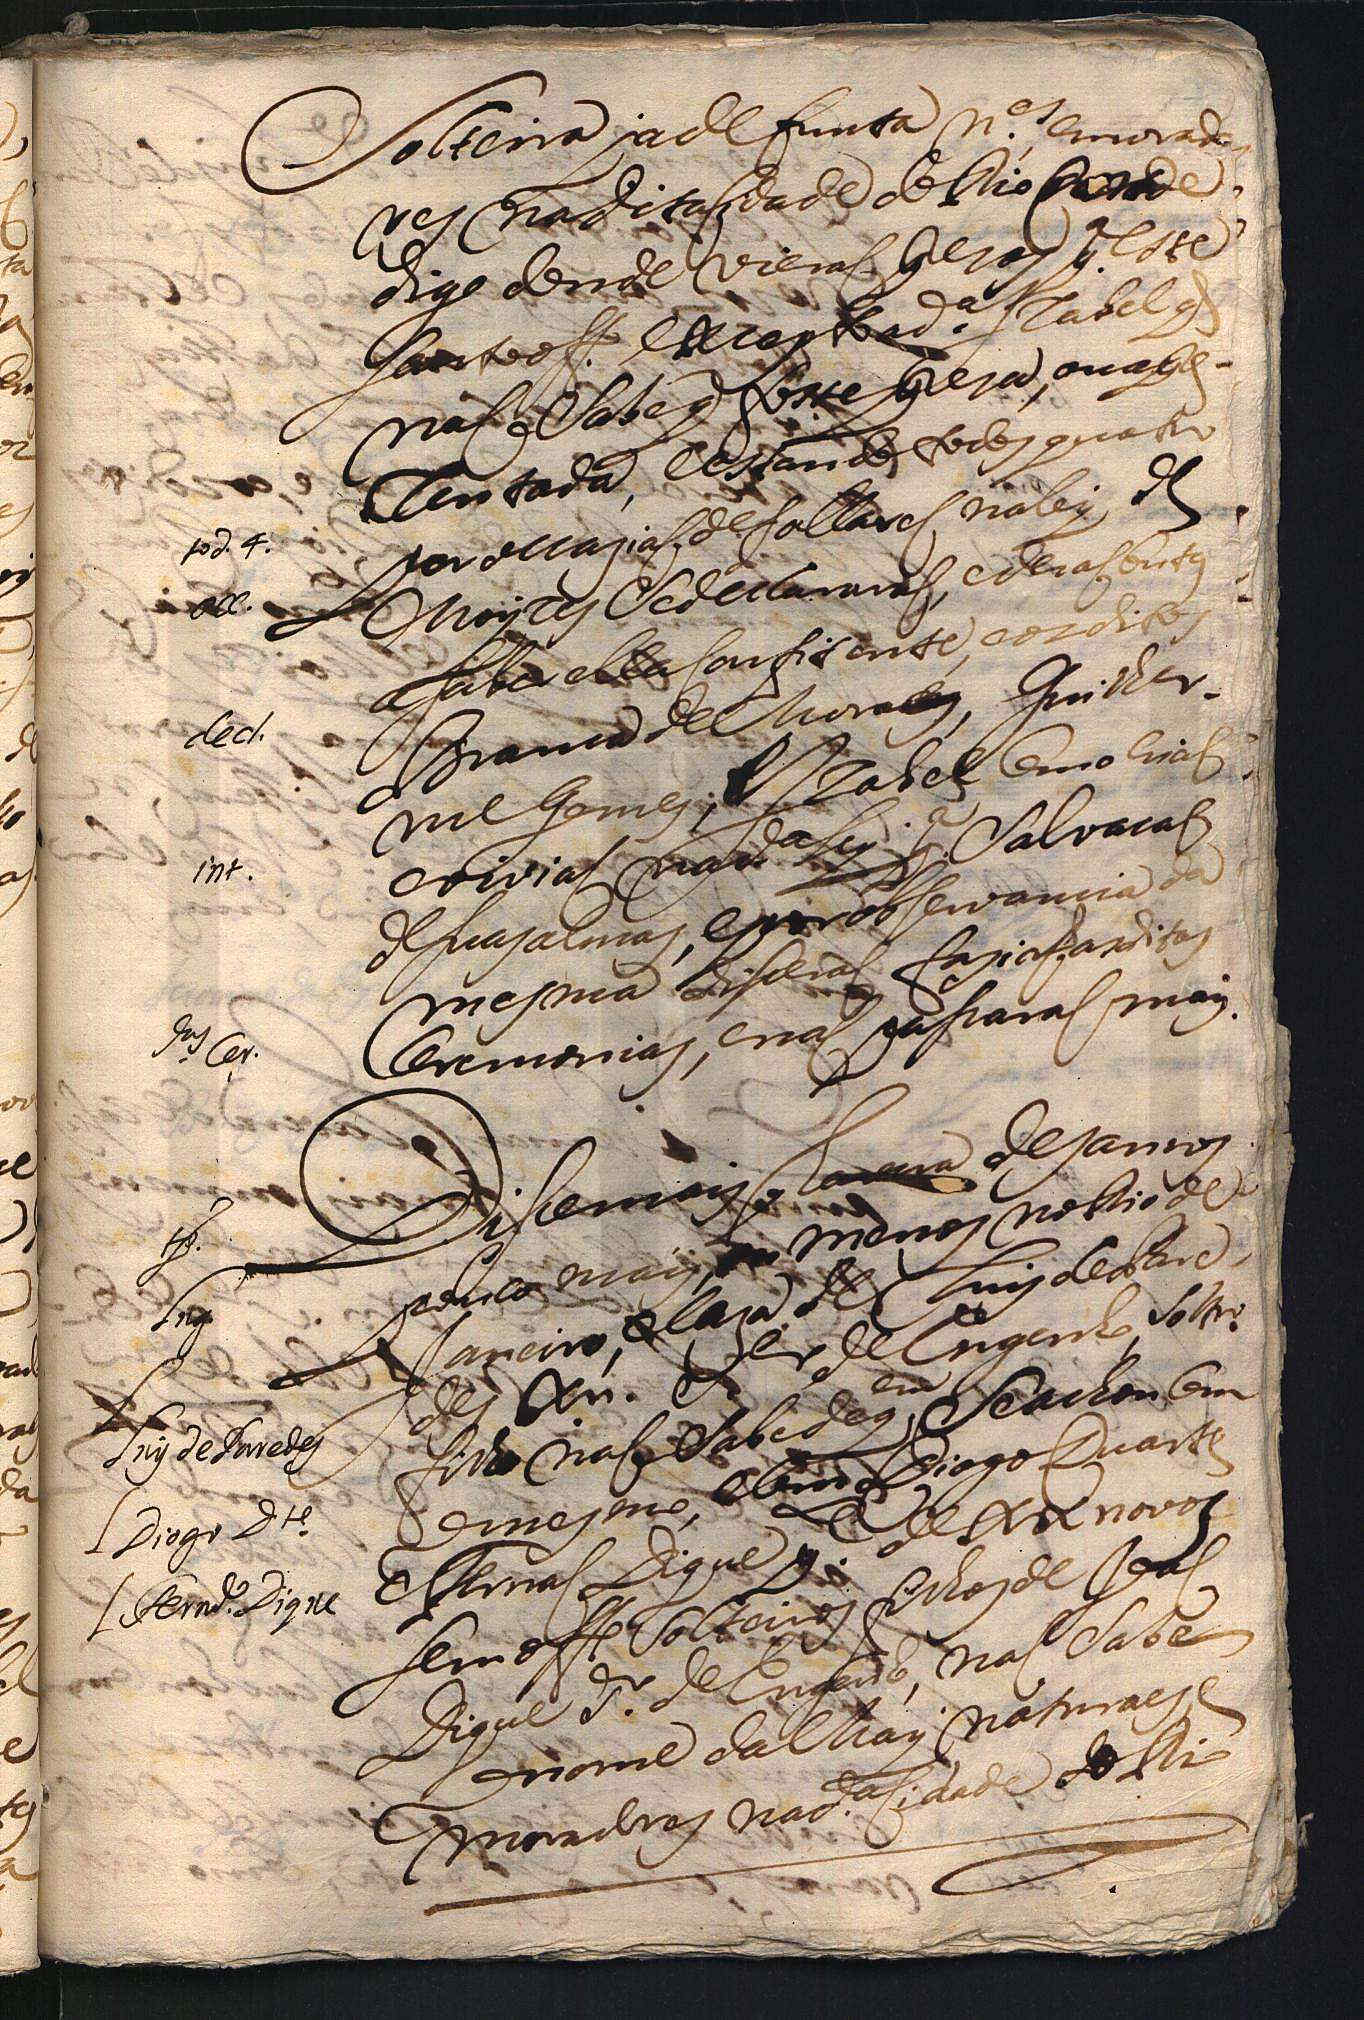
Solteira ja defunta n.al e morado
res na dita Cidade do Rio
digo donde vierā pRezas pa este
santo off.o excepto a d.a Jzabel q̄
nā Sabe q̄ fosse preza, ou apRe
Zentada, e estando todos quatro
por occaziā de fallarē na ley de
tod. 4.
Moyzes Se declararā, e derā Contas
occ.
a saber ella Confitente, e os ditos
Branca de Moraes, Guilher.
decl.
me Gomes, e Jzabel Como Crī
e viviā na d.a ley q̄ Salvaçā
int.
de suas almas, e por observancia da
mesma disserā faziā as ditas
Ceremonias, e nā passarā mais
d.as Cer.
Disse mais hauera des annos
Lug
pouco mais, _ menos no Rio de
Janeiro, e Caza de Luis de Pare
L
Luis de Paredes
des xn. s.or de Engenho, soltr.o
filho nā sabe de qem se achou Com
o mesmo, e com Diogo Duarte
L Diogo Dte.
e Fernā Dique p.te de xx novos
L Fernd.o Dique
sem offo Solteiros filhos de Joā
Dique s.r de Engenho, nā sabe
o nome da May naturaes, e
moradores na d̄.a Cidade do Rio
